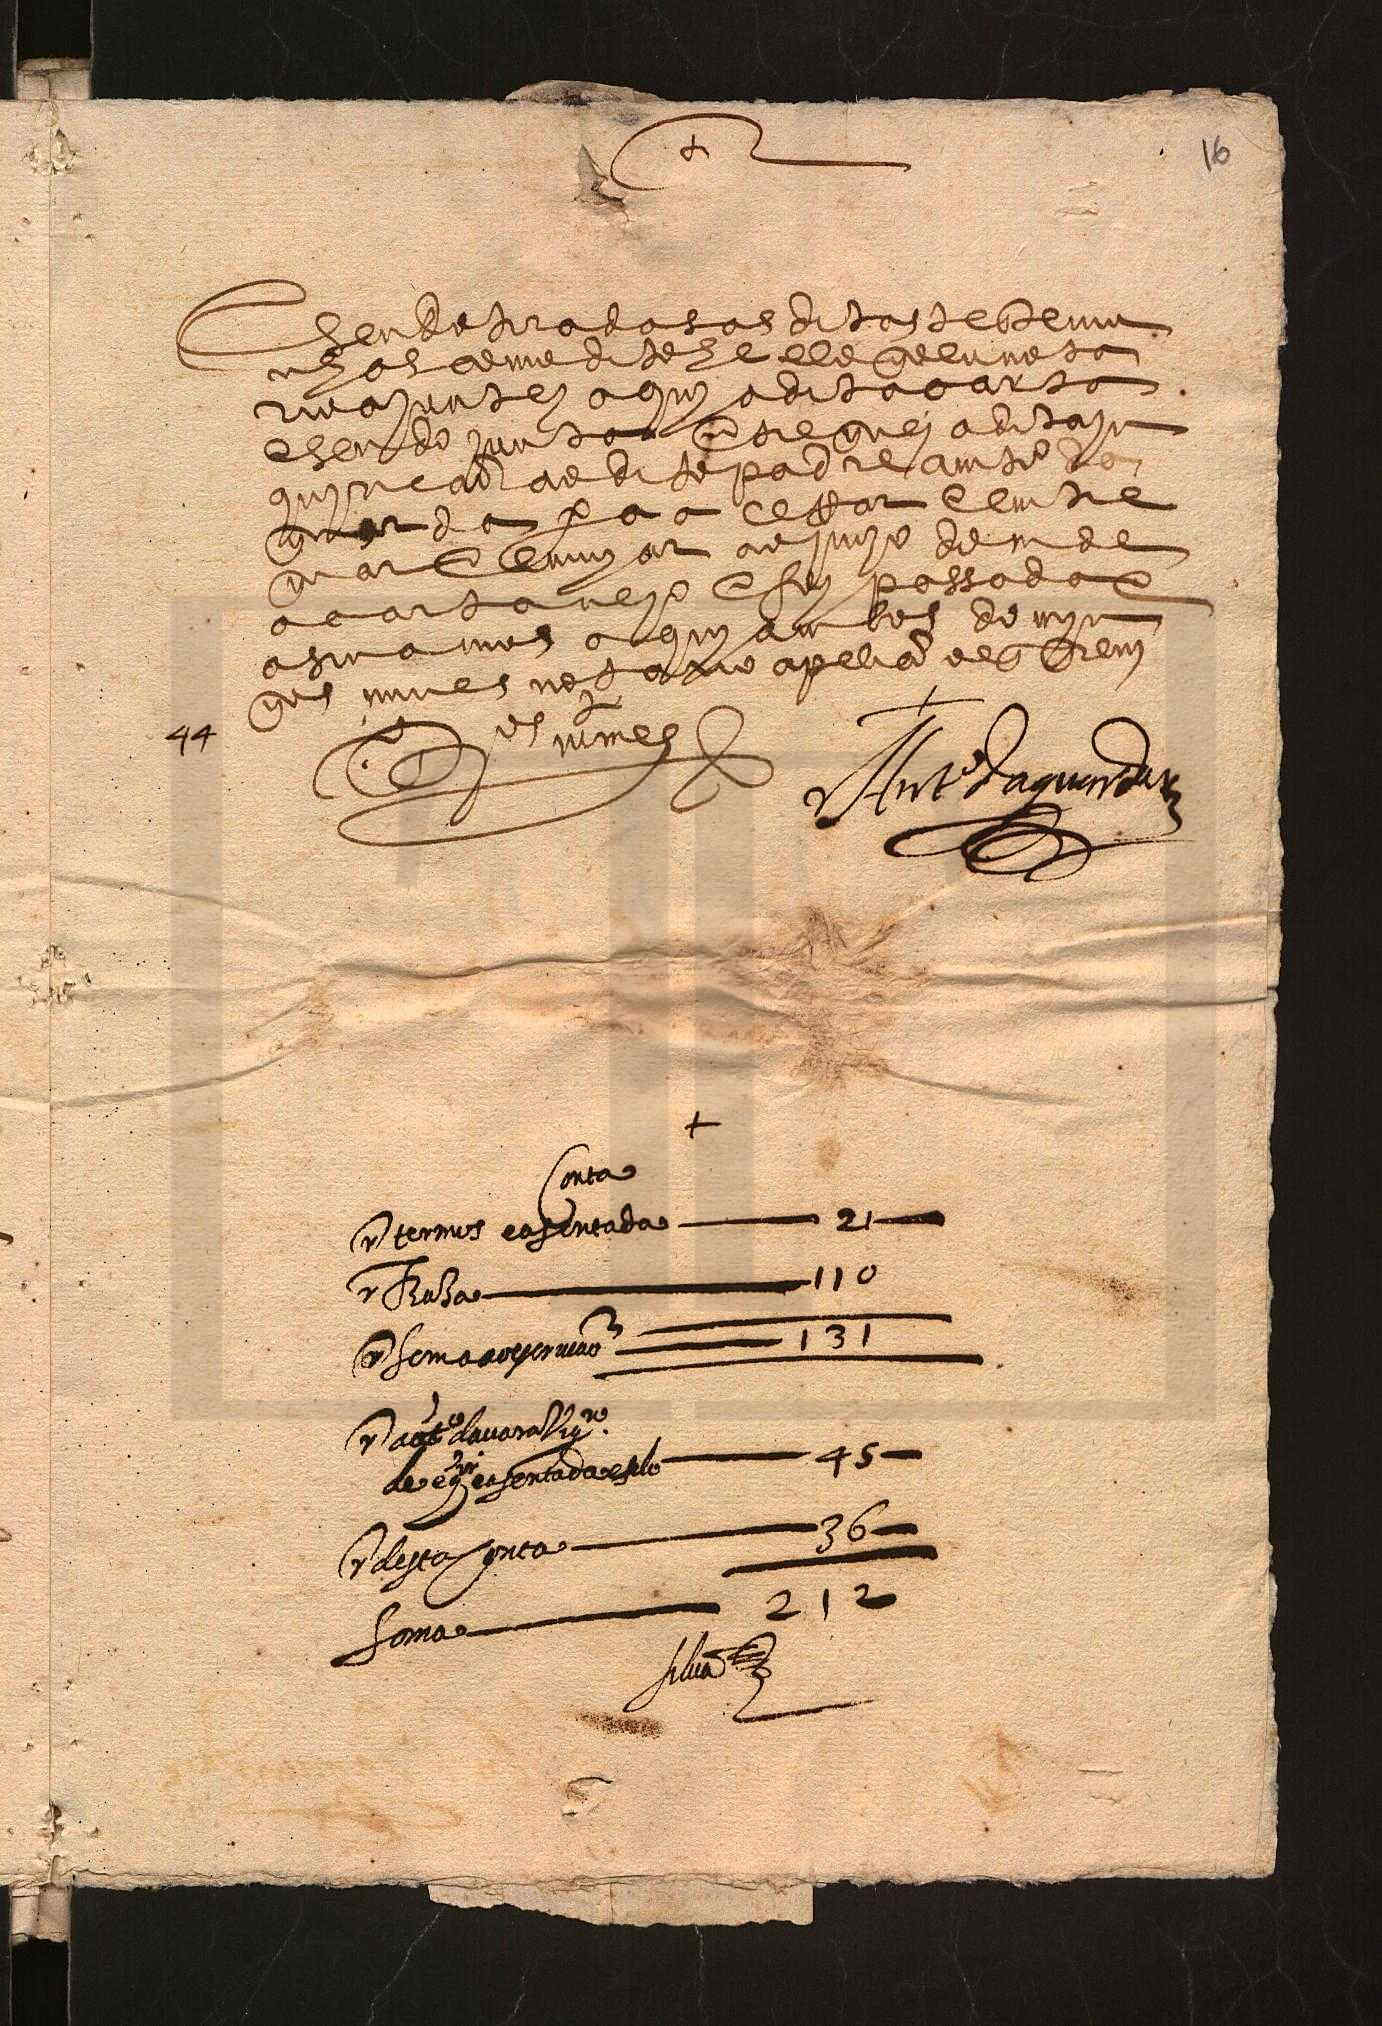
E sendo tiradas as ditas testemu
nhas como dito he llogo eu nota
rio ajuntej aquj a dita carta
e sendo junta ētreguej a dita jn
quiriçaõ ao dito padre amto da
guarda ꝑa a ceRar e emtre
guar e enujar ao juizo domde
a carta uejo e foj passada e
asinamos aquj ambos domjn
gos nunes notario apllicō o escreuj
Conta
item termos e asentada 21
item Raza 110
item Soma ao escriuão 131
item to da uara Vigro.
de ēqir e asentada e selo 45
item desta Conta 36
Soma 212
